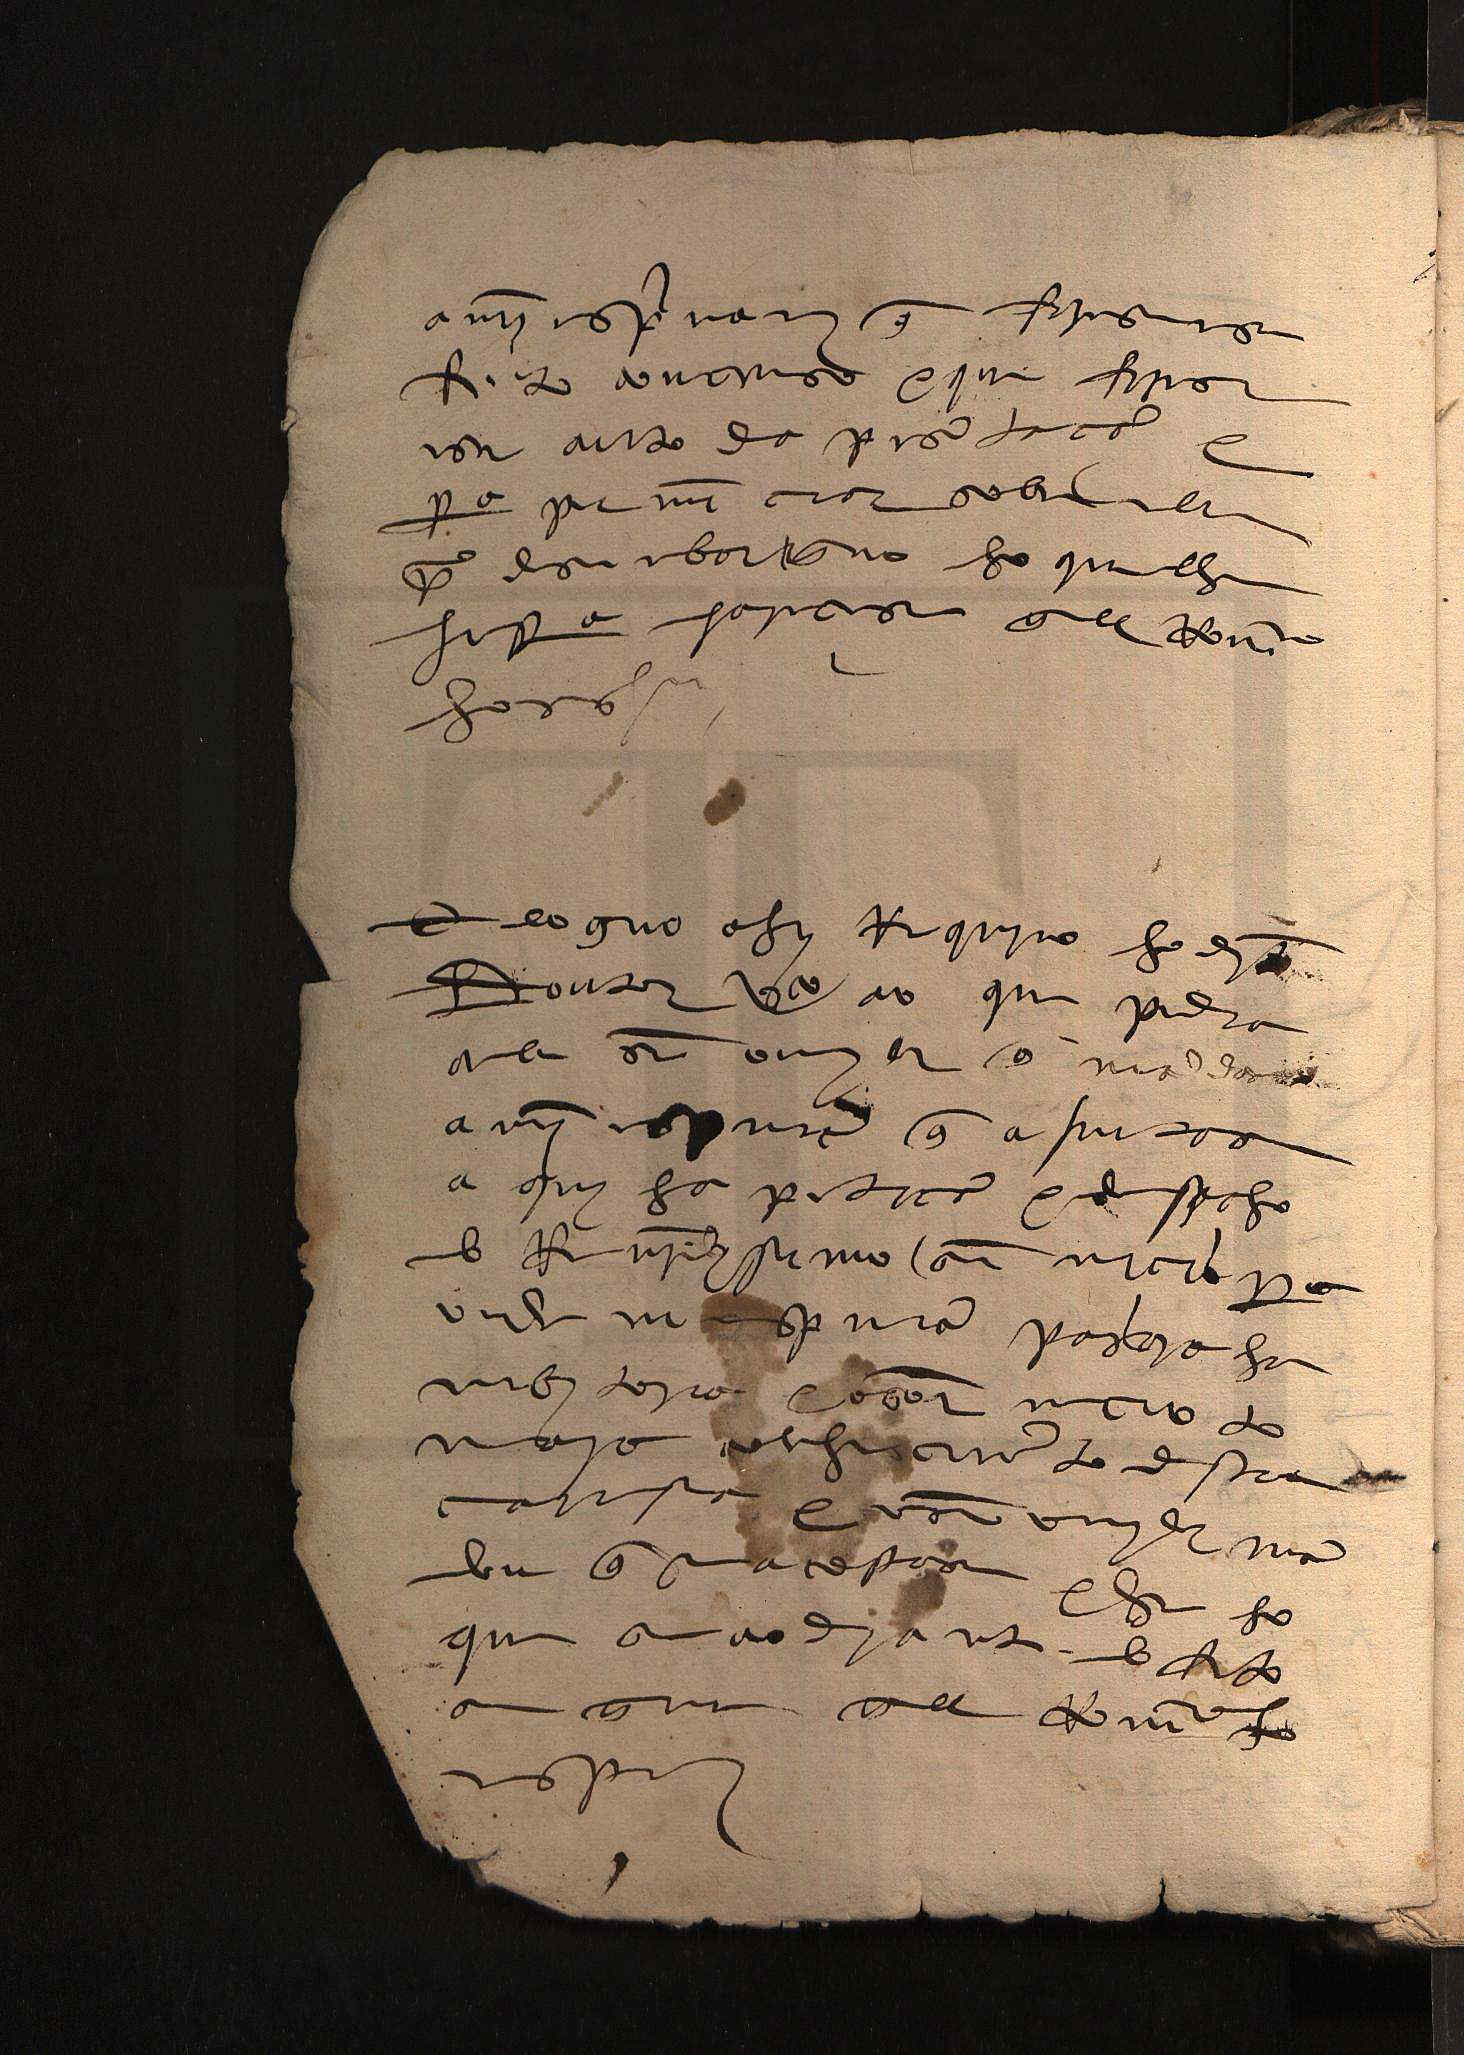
a mj̄ esp̄vam q̄ fizese este
feito concruso e que fizese
este auto dapesētaçā e
ꝑa pernūciar sobre ele
p̄o desenbarguo ho que lhe
Justa parecese gill Romro
ho espui
E loguo ahy Requereo ho djto
Doutor vco ao que pedia
a ele s̄r ouujdor q̄ mādase
a mj̄ espriuā q̄ aJuntase
aquj ha petiçā e despacho
do Reurēdysimo s̄or nucio ꝑa
onde eu espriuā pasara ha
enibjtoria e o s̄or nucio to
mara conhecimēto desta
causa e o s̄r oujdor mā
dou q̄ se acostase e he ho
que se ao djante do feito
segue gill Romro ho
espuj
